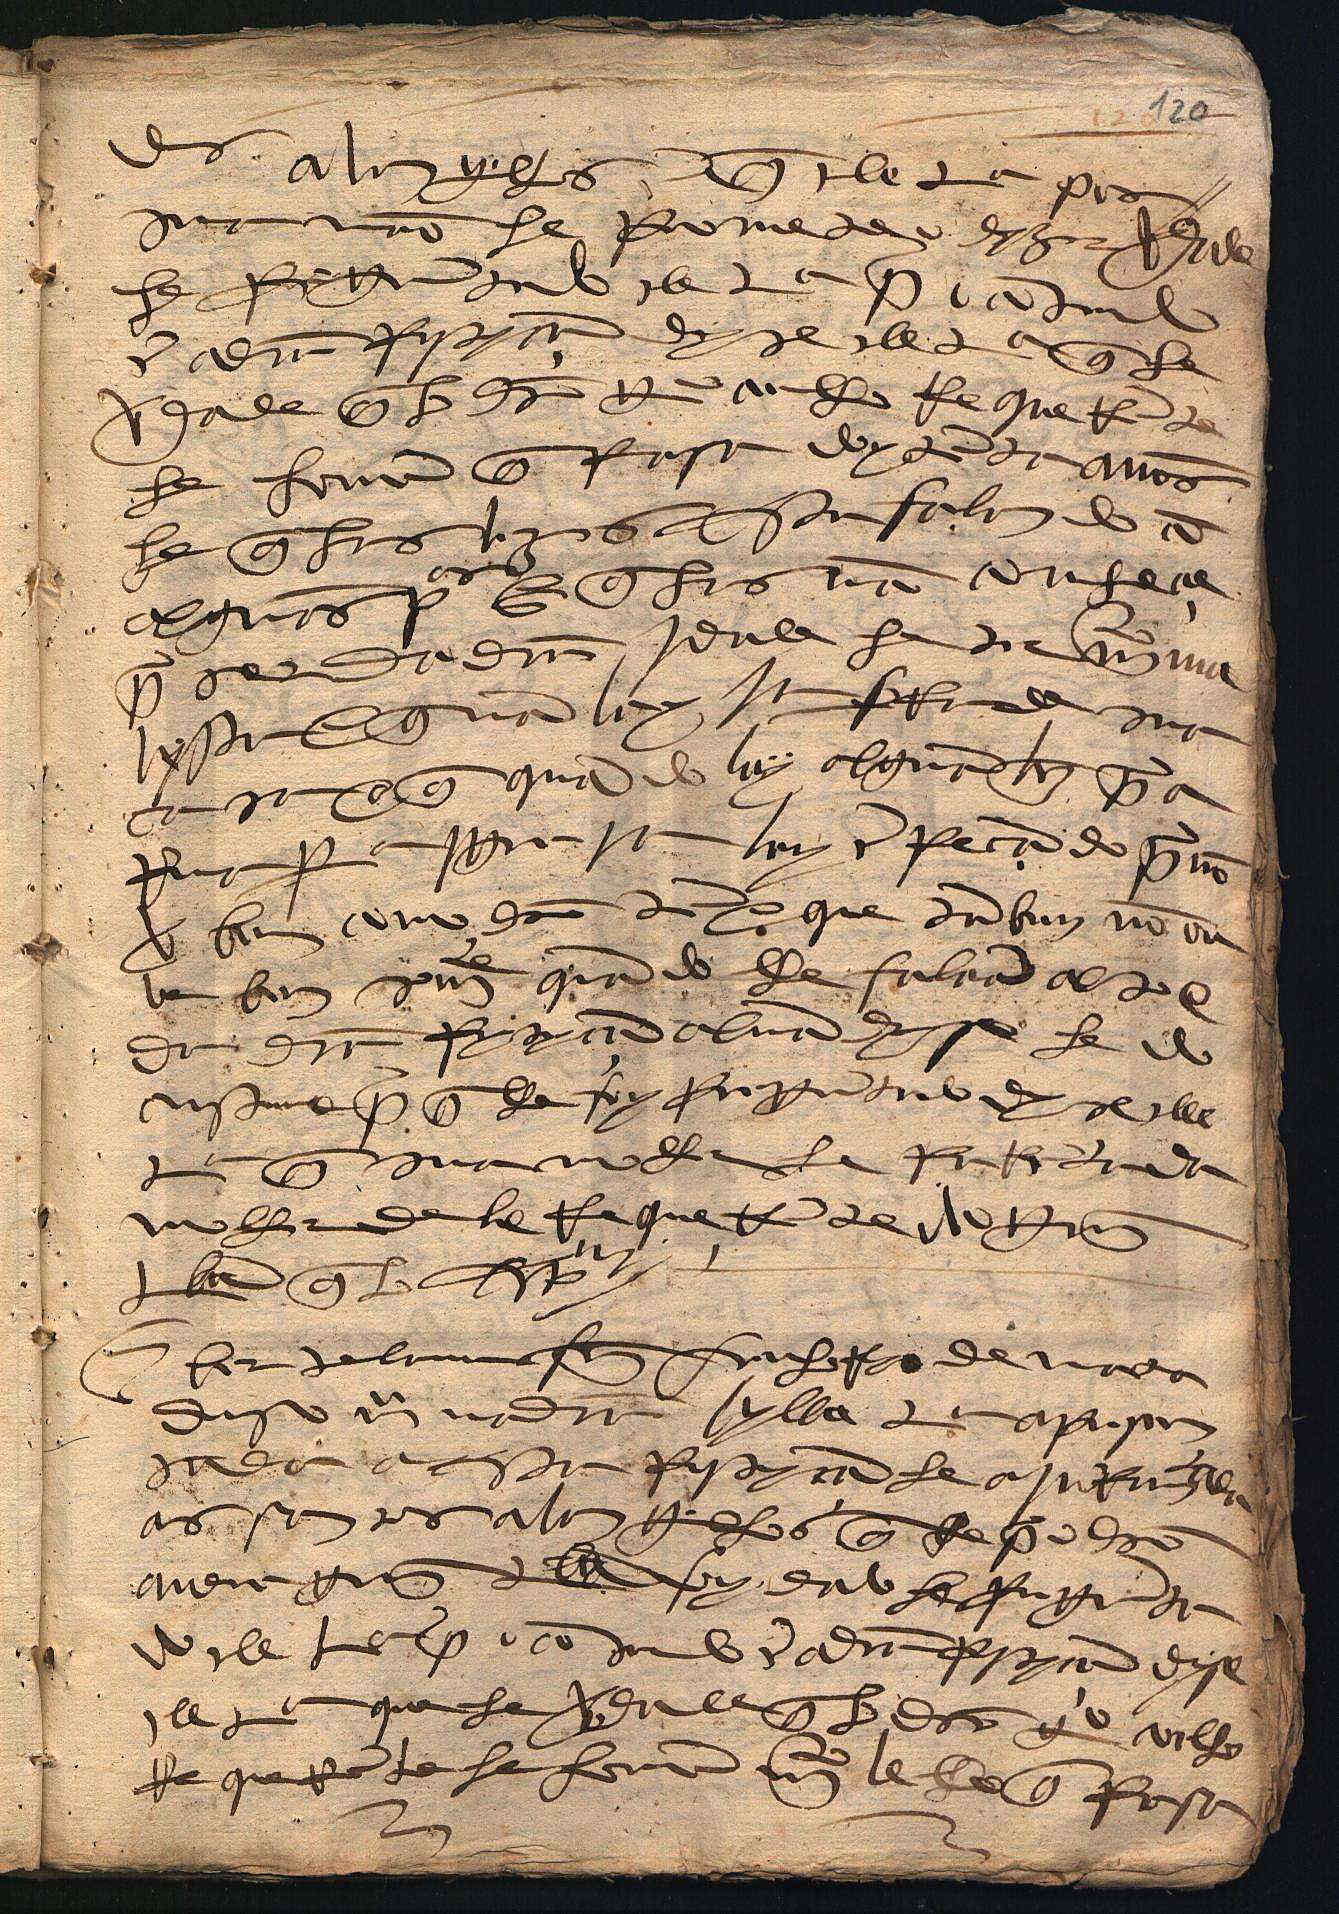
dos avangelhos ē q̄ ele ta pos
sua mão he prometeo dyzer ꝟdade
he pregūtado ele ta p̄o o cōteudo
ē a dt̄a pytyçā dyse ele ta q̄ he
ꝟdade q̄ ho dt̄o go coelho RequeRēte
he homē q̄ pasa doytēta anōs
he q̄ has vezes Esta falando c̄o
alguās pas E q̄ has n̄a conheçe
p̄o ser da dt̄a Jdade he ter mto ma
vysta e q̄ nā vay Ja foRa de sua
casa e q̄ quādo vay alguā vez p̄o a
Rua ꝑ a Jgreja vay ēpeçādo p̄o nō
ꝟ bem como dt̄o tē e que tābem n̄o ou
ve bem somte quādo lhe falaā alto e
da dt̄a pytyçā al nā dyse he do
custume p̄o q̄ lhe foy pregūtado dyse elle
ta q̄ sua molher he paRēta da
molher dele RequeRēte do gēz
tbā q̄ ho Esp̄yy
item bertolameu fz̄ Senhoryo de mata
duso mo na dt̄a vylla ta apresen
tada a Esta pytyçā he aJuRamtada
aos samtos avamgelhos q̄ lhe p̄o o dt̄o
andre gēz tbā foy dado he pergūta
do ele ta p̄o o c̄oteudo ē a dt̄a pytyçā dyse
ell ta que he ꝟdade q̄ ho dt̄o go coelho
RequeRēte he homē mto velho q̄ pasa
